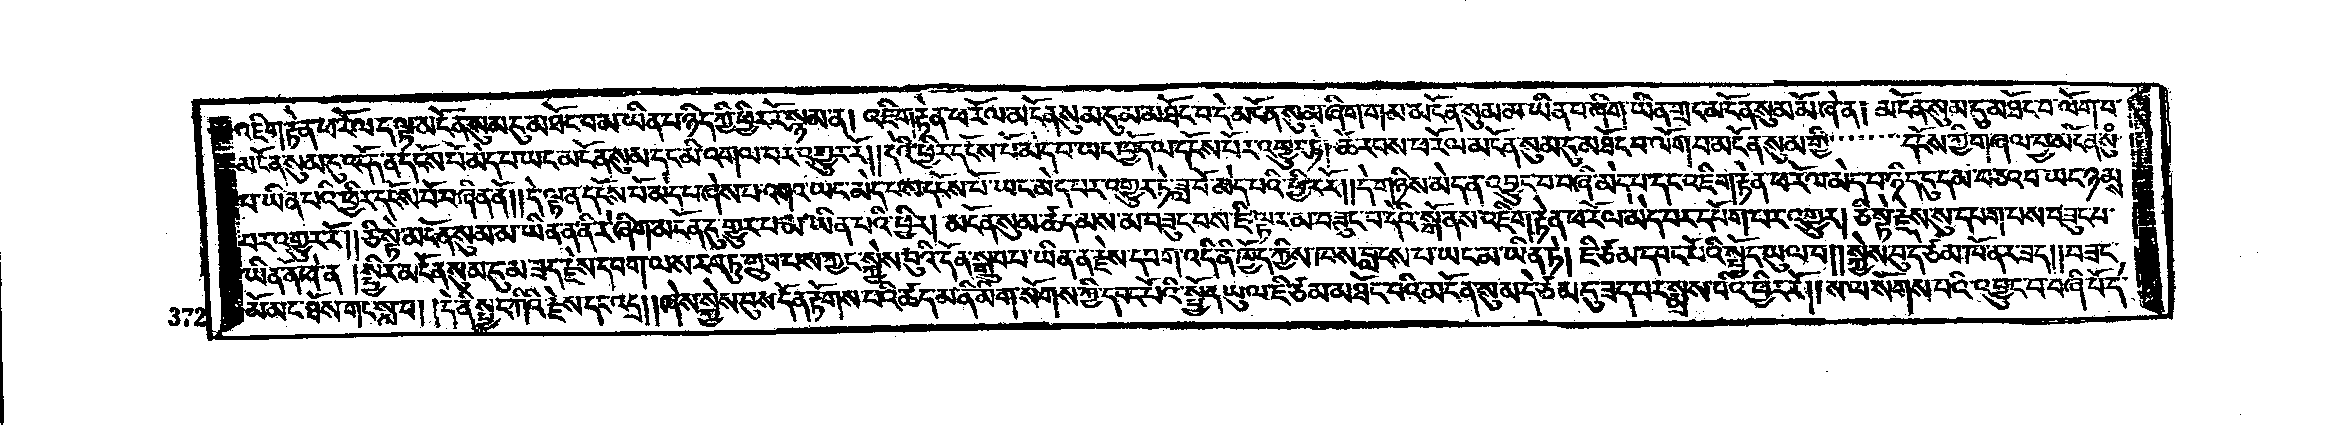འཇིག་རྟེན་ཕ་རོལ་ད་ལྟ་མངོན་སུམ་དུ་མཐོང་བ་མ་ཡིན་པ་ཉིད་ཀྱི་ཕྱིར་རོ་སྙམ་ན། འཇིག་རྟེན་ཕ་རོལ་མངོན་སུམ་དུ་མ་མཐོང་བ་དེ་མངོན་སུམ་ཞིག་གམ་མངོན་སུམ་མ་ཡིན་པ་ཞིག་ཡིན་གྲང་མངོན་སུམ་མོ་ཞེ་ན། མངོན་སུམ་དུ་མཐོང་བ་ལོག་པ་
མངོན་སུམ་དུ་འདོད་ན་དངོས་པོ་མེད་པ་ཡང་མངོན་སུམ་དང་མི་འགལ་བར་འགྱུར་རོ། །དེའི་ཕྱིར་དངོས་པོ་མེད་པ་ཡང་ཁྱོད་ལ་དངོས་པོར་འགྱུར་ཏེ། ཚེ་རབས་ཕ་རོལ་མངོན་སུམ་དུ་མཐོང་བ་ལོག་པ་མངོན་སུམ་གྱི་དངོས་ཀྱི་གཞལ་བྱ་མངོན་སུམ་
པ་ཡིན་པའི་ཕྱིར་དངོས་པོ་བཞིན་ནོ། །དེ་ལྟ་ན་དངོས་པོ་མེད་པ་ཞེས་པ་འགའ་ཡང་མེད་པས་དངོས་པོ་ཡང་མེད་པར་འགྱུར་ཏེ་ཟླ་བོ་མེད་པའི་ཕྱིར་རོ། །དེ་གཉིས་མེད་ན་འབྱུང་བ་བཞི་མེད་པ་དང་འཇིག་རྟེན་ཕ་རོལ་མེད་པ་ཉིད་དུ་དམ་བཅའ་བ་ཡང་ཉམས་
པར་འགྱུར་རོ། །ཅི་སྟེ་མངོན་སུམ་མ་ཡིན་ན་ནི་རེ་ཞིག་མངོན་དུ་གྱུར་པ་མ་ཡིན་པའི་ཕྱིར། མངོན་སུམ་ཚད་མས་མ་བཟུང་བས་ཇི་ལྟར་མ་བཟུང་བ་དེའི་སྒོ་ནས་འཇིག་རྟེན་ཕ་རོལ་མེད་པར་དཔོག་པར་འགྱུར། ཅི་སྟེ་རྗེས་སུ་དཔག་པས་བཟུང་བ་
ཡིན་ནོ་ཞེ་ན། སྤྱིར་མངོན་སུམ་དུ་མ་ཟད་རྗེས་དཔག་ལས་རབ་ཏུ་གྲུབ་པས་ཀྱང་སྐྱེས་བུའི་དོན་སྒྲུབ་པ་ཡིན་ན་རྗེས་དཔག་འདི་ནི་ཁྱོད་ཀྱིས་ཁས་བླངས་པ་ཡང་མ་ཡིན་ཏེ། ཇི་ཙམ་དབང་པོའི་སྤྱོད་ཡུལ་བ། །སྐྱེས་བུ་དེ་ཙམ་ཁོ་ནར་ཟད། །བཟང་
མོ་མང་ཐོས་གང་སྨྲ་བ། །དེ་ནི་སྤྱང་ཀིའི་རྗེས་དང་འདྲ། །ཞེས་སྐྱེས་བུས་དོན་རྟོགས་པའི་ཚད་མ་ནི་མིག་སོགས་ཀྱི་དབང་པོའི་སྤྱོད་ཡུལ་ཇི་ཙམ་མཐོང་བའི་མངོན་སུམ་དེ་ཙམ་དུ་ཟད་པར་སྨྲས་པའི་ཕྱིར་རོ། །ས་ལ་སོགས་པའི་འབྱུང་བ་བཞི་པོ་དེ་